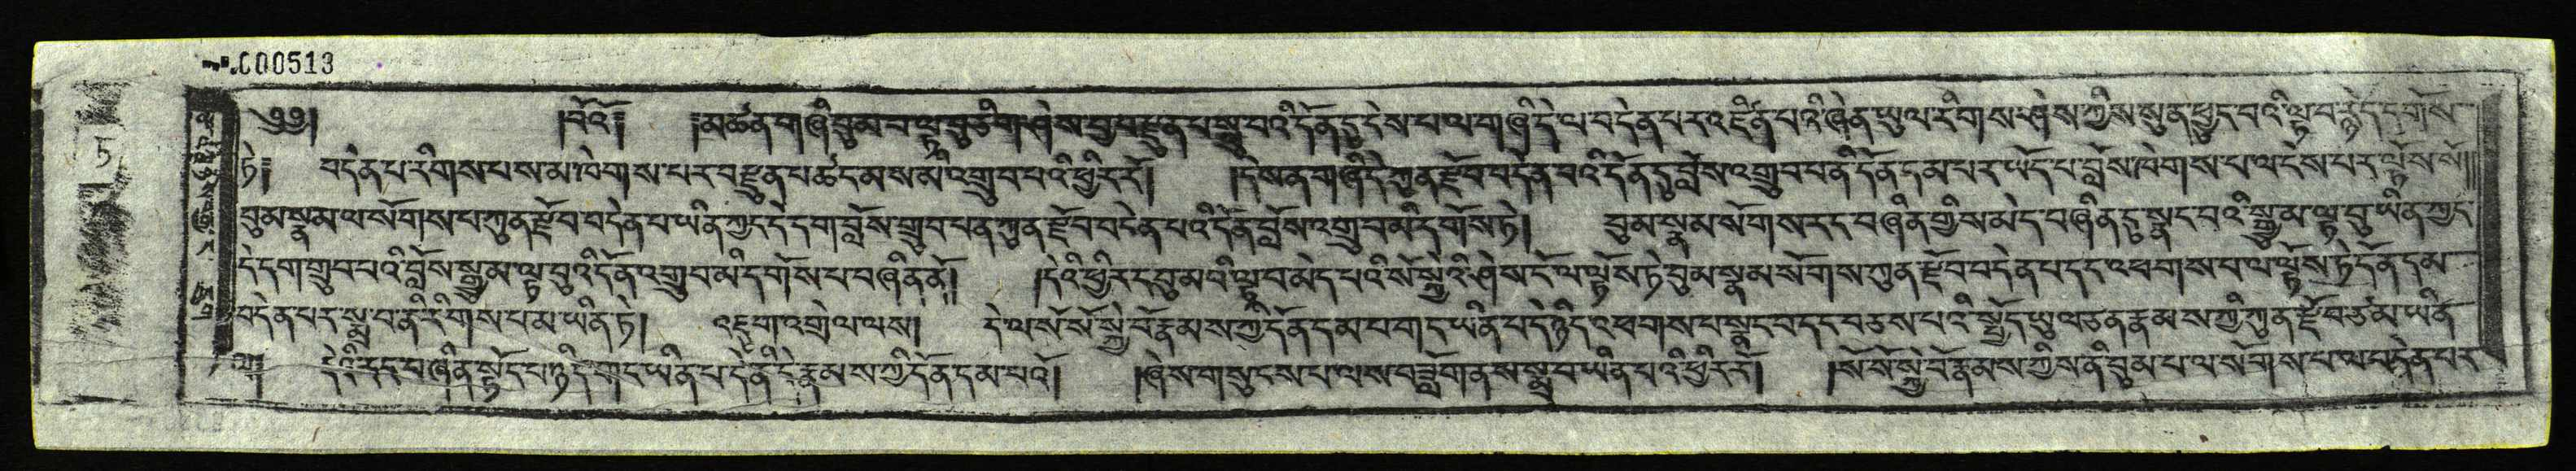༄༅། །བོའོ༑ ༑མཚན་གཞི་བུམ་པ་ལྟ་བུ་ཅིག་ཤེས་བྱ་བརྫུན་པ་སླུ་བའི་དོན་དུ་ངེས་པ་ལ་གཞི་དེ་ལ་བདེན་པར་འཛིན་པའི་ཞེན་ཡུལ་རིགས་ཤེས་ཀྱིས་སུན་ཕྱུང་བའི་ལྟ་བ་རྙེད་དགོས་
ཏེ༑ བདེན་པ་རིགས་པས་མ་ཁེགས་པར་བརྫུན་པ་ཚད་མས་མི་འགྲུབ་པའི་ཕྱིར་རོ། །དེས་ན་གཞི་དེ་ཀུན་རྫོབ་བདེན་པའི་དོན་དུ་བློས་འགྲུབ་པ་ནི་དོན་དམ་པར་ཡོད་པ་བློས་ཁེགས་པ་ལ་ངེས་པར་ལྟོས་སོ།།
བུམ་སྣམ་ལ་སོགས་པ་ཀུན་རྫོབ་བདེན་པ་ཡིན་ཀྱང་དེ་དག་བློས་གྲུབ་པ་ན་ཀུན་རྫོབ་བདེན་པའི་དོན་བློས་འགྲུབ་མི་དགོས་ཏེ། བུམ་སྣམ་སོགས་རང་བཞིན་གྱིས་མེད་བཞིན་དུ་སྣང་བའི་སྒྱུ་མ་ལྟ་བུ་ཡིན་ཀྱང་
དེ་དག་གྲུབ་པའི་བློས་སྒྱུ་མ་ལྟ་བུའི་དོན་འགྲུབ་མི་དགོས་པ་བཞིན་ནོ། །དེའི་ཕྱིར་དབུ་མའི་ལྟ་བ་མེད་པའི་སོ་སྐྱེའི་ཤེས་ངོ་ལ་ལྟོས་ཏེ་བུམ་སྣམ་སོགས་ཀུན་རྫོབ་བདེན་པ་དང་འཕགས་པ་ལ་ལྟོས་ཏེ་དོན་དམ་
བདེན་པར་སྨྲ་བ་ནི་རིགས་པ་མ་ཡིན་ཏེ། འཇུག་འགྲེལ་ལས། དེ་ལ་སོ་སོ་སྐྱེ་བོ་རྣམས་ཀྱི་དོན་དམ་པ་གང་ཡིན་པ་དེ་ཉིད་འཕགས་པ་སྣང་བ་དང་བཅས་པའི་སྤྱོད་ཡུལ་ཅན་རྣམས་ཀྱི་ཀུན་རྫོབ་ཙམ་ཡིན་
ལ༑ དེའི་རང་བཞིན་སྟོང་པ་ཉིད་གང་ཡིན་པ་དེ་ནི་དེ་རྣམས་ཀྱི་དོན་དམ་པའོ། །ཞེས་གསུངས་པ་ལས་བཟློག་ནས་སྨྲ་བ་ཡིན་པའི་ཕྱིར་རོ། །སོ་སོ་སྐྱེ་བོ་རྣམས་ཀྱིས་ནི་བུམ་པ་ལ་སོགས་པ་ལ་བདེན་པར་